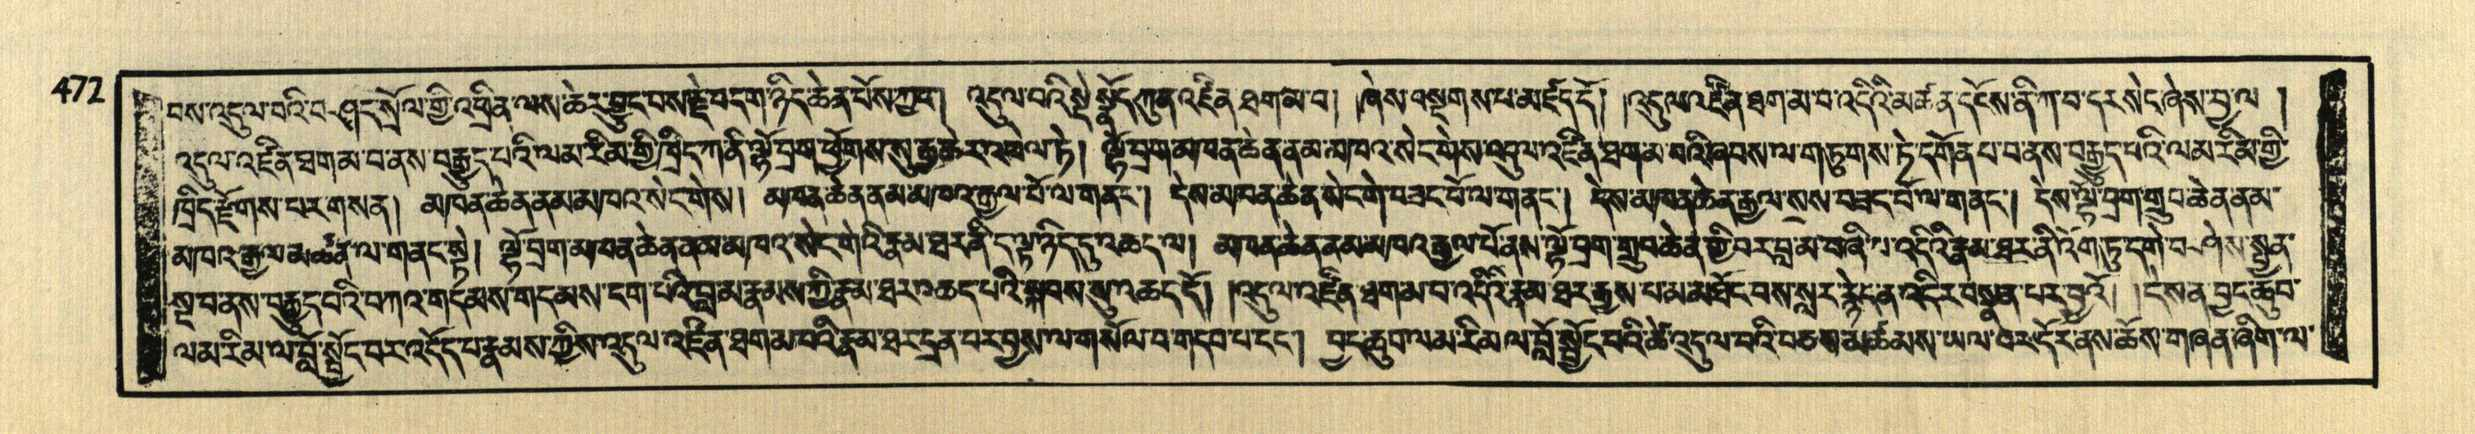བས་འདུལ་བའི་བཤད་སྲོལ་གྱི་འཕྲིན་ལས་ཆེར་བྱུང་བས་རྗེ་བདག་ཉིད་ཆེན་པོས་ཀྱང་། འདུལ་བའི་སྡེ་སྣོད་ཀུན་འཛིན་ཐག་མ་བ། །ཞེས་བསྔགས་པ་མཛད་དོ། །འདུལ་འཛིན་ཐག་མ་བ་འདིའི་མཚན་དངོས་ནི་ཀ་བ་དར་སེང་ཞེས་བྱ་ལ།
འདུལ་འཛིན་ཐག་མ་བ་ནས་བརྒྱུད་པའི་ལམ་རིམ་གྱི་ཁྲིད་ཀ་ནི་ལྷོ་བྲག་ཕྱོགས་སུ་རྒྱ་ཆེར་འཕེལ་ཏེ། ལྷོ་བྲག་མཁན་ཆེན་ནམ་མཁའ་སེང་གེས་འདུལ་འཛིན་ཐག་མ་བའི་ཞབས་ལ་གཏུགས་ཏེ་དགོན་པ་བ་ནས་བརྒྱུད་པའི་ལམ་རིམ་གྱི་
ཁྲིད་རྫོགས་པར་གསན། མཁན་ཆེན་ནམ་མཁའ་སེང་གེས། མཁན་ཆེན་ནམ་མཁའ་རྒྱལ་པོ་ལ་གནང་། དེས་མཁན་ཆེན་སེང་གེ་བཟང་པོ་ལ་གནང་། དེས་མཁན་ཆེན་རྒྱལ་སྲས་བཟང་པོ་ལ་གནང་། དེས་ལྷོ་བྲག་གྲུབ་ཆེན་ནམ་
མཁའ་རྒྱལ་མཚན་ལ་གནང་སྟེ། ལྷོ་བྲག་མཁན་ཆེན་ནམ་མཁའ་སེང་གེའི་རྣམ་ཐར་ནི་ད་ལྟ་ཉིད་དུ་འཆད་ལ། མཁན་ཆེན་ནམ་མཁའ་རྒྱལ་པོ་ནས་ལྷོ་བྲག་གྲུབ་ཆེན་གྱི་བར་བླ་མ་བཞི་པ་འདིའི་རྣམ་ཐར་ནི་འོག་ཏུ་དགེ་བཤེས་སྤྱན་
སྔ་བ་ནས་བརྒྱུད་པའི་བཀའ་གདམས་གདམས་ངག་པའི་བླ་མ་རྣམས་ཀྱི་རྣམ་ཐར་འཆད་པའི་སྐབས་སུ་འཆད་དོ། །འདུལ་འཛིན་ཐག་མ་བ་འདིའི་རྣམ་ཐར་རྒྱས་པ་མ་མཐོང་བས་སླར་རྙེད་ན་འདིར་བསྣན་པར་བྱའོ། །དེས་ན་བྱང་ཆུབ་
ལམ་རིམ་ལ་བློ་སྦྱོང་བར་འདོད་པ་རྣམས་ཀྱིས་འདུལ་འཛིན་ཐག་མ་བའི་རྣམ་ཐར་དྲན་པར་བྱས་ལ་གསོལ་བ་གདབ་པ་དང་། བྱང་ཆུབ་ལམ་རིམ་ལ་བློ་སྦྱོང་བའི་ཚེ་འདུལ་བའི་བཅས་མཚམས་ཡལ་བར་དོར་ནས་ཆོས་གཞན་ཞིག་ལ་